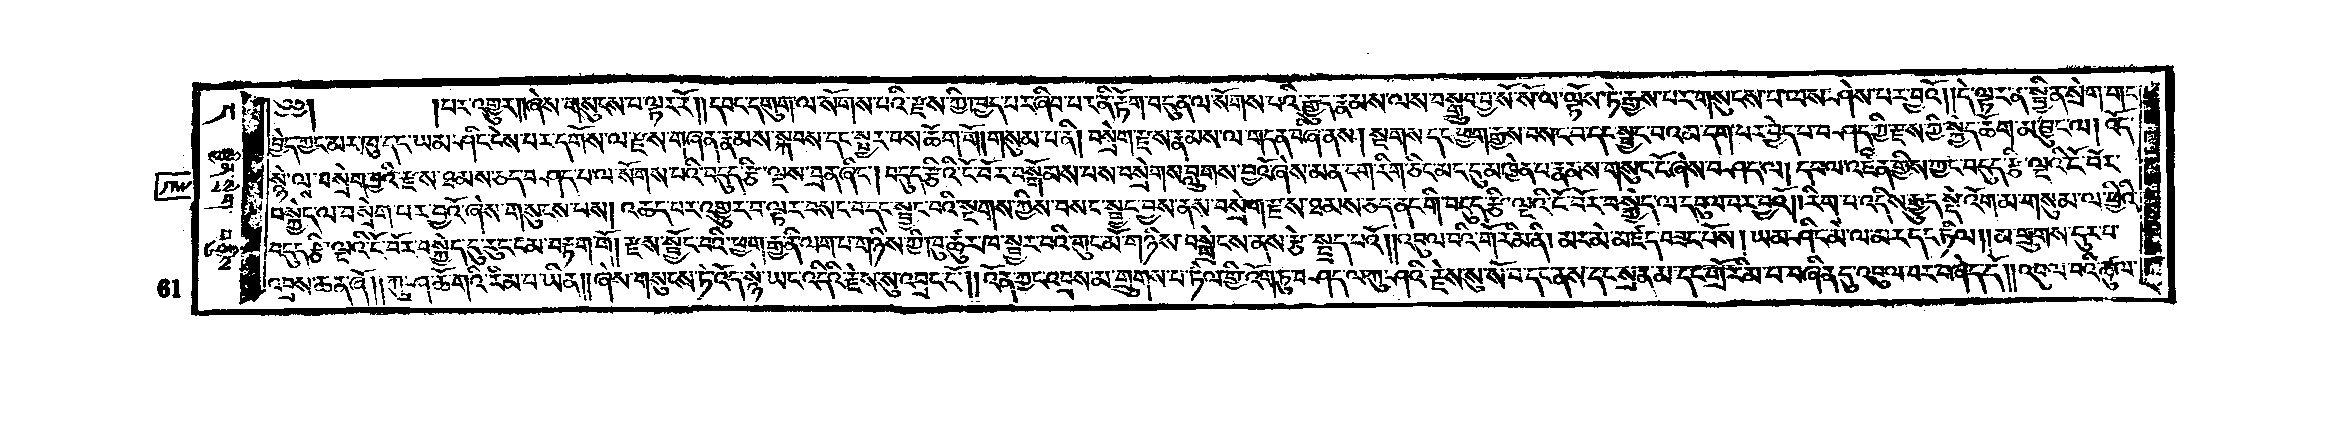༄༅། །པར་འགྱུར། །ཞེས་གསུངས་པ་ལྟར་རོ། །དབང་དགུག་ལ་སོགས་པའི་རྫས་ཀྱི་ཁྱད་པར་ཞིབ་པར་ནི་རྟོག་བདུན་ལ་སོགས་པའི་རྒྱུད་རྣམས་ལས་བསྒྲུབ་བྱ་སོ་སོ་ལ་ལྟོས་ཏེ་རྒྱས་པར་གསུངས་པ་ལས་ཤེས་པར་བྱའོ། །དེ་ལྟར་ན་སྦྱིན་སྲེག་གང་
བྱེད་ཀྱང་མར་ཁུ་དང་ཡམ་ཤིང་ངེས་པར་དགོས་ལ་རྫས་གཞན་རྣམས་སྐབས་དང་སྦྱར་བས་ཆོག་གོ །གསུམ་པ་ནི། བསྲེག་རྫས་རྣམས་ལ་གདན་བཞི་ནས། སྔགས་དང་ཕྱག་རྒྱས་བསང་བ་དང་སྦྱང་བའམ་དག་པར་བྱེད་པ་བཤད་ཀྱི་རྫས་ཀྱི་སྐྱེད་ཆོག་མ་བྱུང་ལ། འོད་
སྙེ་ལས་བསྲེག་བྱའི་རྫས་ཐམས་ཅད་བཤད་པ་ལ་སོགས་པའི་བདུད་རྩི་ལྔས་བྲན་ཞིང་། བདུད་རྩིའི་ངོ་བོར་བསྒོམས་པས་བསྲེགས་བླུགས་བྱའོ་ཞེས་མན་ངག་རིག་ཅིང་མང་དུ་མཁྱེན་པ་རྣམས་གསུང་ངོ་ཞེས་བཤད་ལ། དཔལ་འཛིན་གྱིས་ཀྱང་བདུད་རྩི་ལྔའི་ངོ་བོར་
བསྐྱེད་ལ་བསྲེག་པར་བྱའོ་ཞེས་གསུངས་པས། འཆད་པར་འགྱུར་བ་ལྟར་བསང་བ་དང་སྦྱང་བའི་སྔགས་ཀྱིས་བསང་སྦྱང་བྱས་ནས་བསྲེག་རྫས་ཐམས་ཅད་ནང་གི་བདུད་རྩི་ལྔའི་ངོ་བོར་བསྐྱེད་ལ་དབུལ་བར་བྱའོ། །རིག་པ་འདིས་རྒྱུད་སྡེ་འོག་མ་གསུམ་ལ་ཕྱིའི་
བདུད་རྩི་ལྔའི་ངོ་བོར་བསྐྱེད་དུ་རུང་ངམ་བརྟག་གོ། རྫས་སྦྱོང་བའི་ཕྱག་རྒྱ་ནི་ལག་པ་གཉིས་ཀྱི་ཁུ་ཚུར་ཁ་སྦྱར་བའི་གུང་མོ་གཉིས་བསྒྲེངས་ནས་རྩེ་སྤྲད་པའོ། །འབུལ་བའི་གོ་རིམ་ནི། མར་མེ་མཛད་བཟང་པོས། ཡམ་ཤིང་མེ་ལ་མར་དང་ཏིལ། །མ་གྲུགས་དུར་པ་
འབྲས་ཆན་ཞོ། །ཀུ་ཤ་ཆོ་གའི་རིམ་པ་ཡིན། །ཞེས་གསུངས་ཏེ་འོད་སྙེ་ཡང་འདིའི་རྗེས་སུ་འབྲང་ངོ། །འོན་ཀྱང་འབྲས་མ་གྲུགས་པ་ཏིལ་གྱི་འོག་ཏུ་བཤད་ལ་ཀུ་ཤའི་རྗེས་སུ་སོ་བ་དང་ནས་དང་སྲན་མ་དང་གྲོ་རིམ་པ་བཞིན་དུ་འབུལ་བར་བཞེད་དོ། །འབུལ་བའི་ཚུལ་